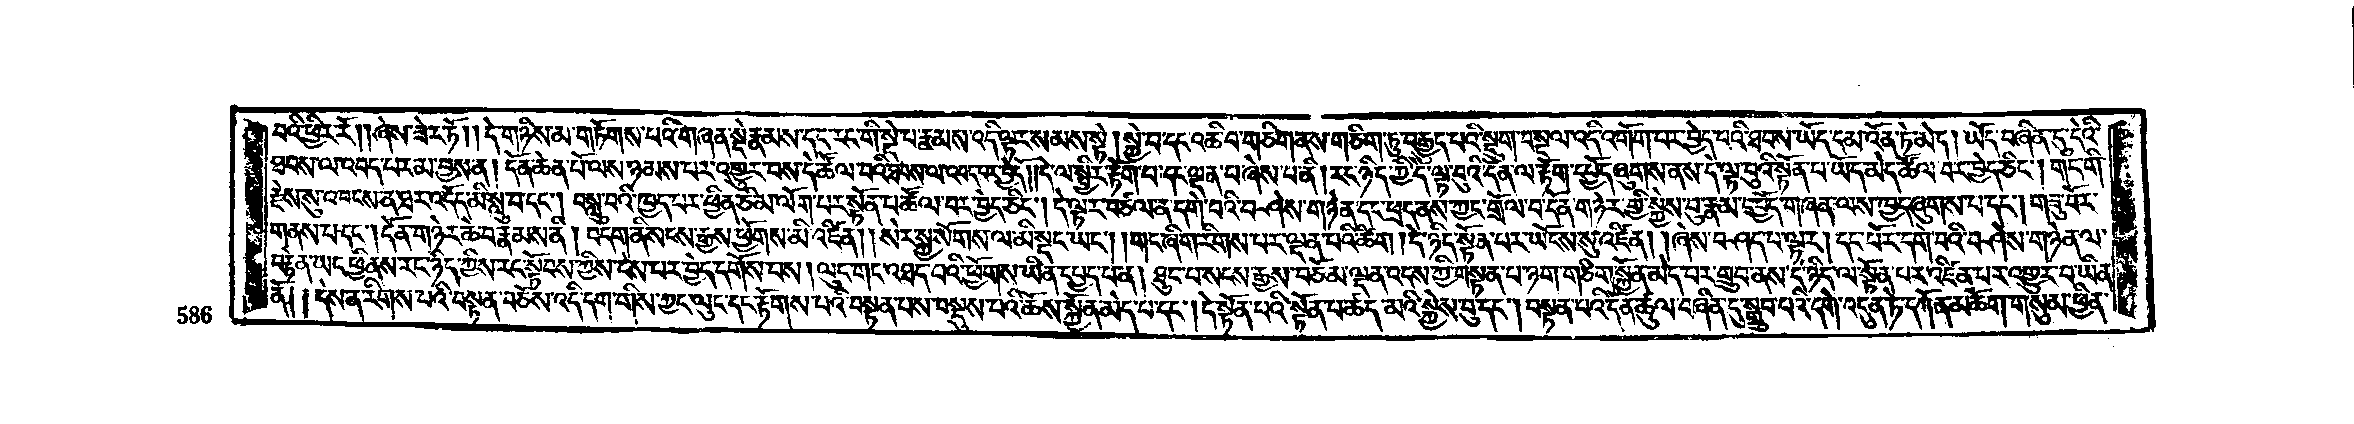བའི་ཕྱིར་རོ། །ཞེས་ཟེར་ཏོ། །དེ་གཉིས་མ་གཏོགས་པའི་གཞན་སྡེ་རྣམས་དང་རང་གི་སྡེ་པ་རྣམས་འདི་ལྟར་སེམས་སྟེ། སྐྱེ་བ་དང་འཆི་བ་གཅིག་ནས་གཅིག་ཏུ་བརྒྱུད་པའི་སྡུག་བསྔལ་འདི་འགོག་པར་བྱེད་པའི་ཐབས་ཡོད་དམ་འོན་ཏེ་མེད། ཡོད་བཞིན་དུ་དེའི་
ཐབས་ལ་འབད་པར་མ་བྱས་ན། དོན་ཆེན་པོ་ལས་ཉམས་པར་འགྱུར་བས་དེ་ཚོལ་བའི་ཐབས་ལ་འབད་པར་བྱེད། །དེ་ལ་སྤྱིར་རྟོག་པ་དང་ལྡན་པ་ཞེས་པ་ནི། རང་ཉིད་ཀྱི་དེ་ལྟ་བུའི་དོན་ལ་རྟོག་དཔྱོད་ཞུགས་ནས་དེ་ལྟ་བུའི་སྟོན་པ་ཡོད་མེད་ཚོལ་བར་བྱེད་ཅིང་། གང་གི་
རྗེས་སུ་འབངས་ན་ཐར་འདོད་མི་སླུ་བ་དང་། བསླུ་བའི་ཁྱད་པར་ཕྱིན་ཅི་མ་ལོག་པར་སྟོན་པ་ཚོལ་བར་བྱེད་ཅིང་། དེ་ལྟར་བཙལ་ན་དགེ་བའི་བཤེས་གཉེན་དང་ཕྲད་ནས་ཀྱང་སྒྲོལ་བ་དོན་གཉེར་གྱི་སྐྱེས་བུ་རྣམས་དཔྱོད་གཞན་ལས་ཁྱད་ཞུགས་པ་དང་། གཟུ་པོར་
གནས་པ་དང་། དོན་གཉེར་ཆེ་བ་རྣམས་ནི། བདག་ནི་སངས་རྒྱས་ཕྱོགས་མི་འཛིན། སེར་སྐྱ་སོགས་ལ་མི་སྡང་ཡང་། །གང་ཞིག་རིགས་པར་ལྡན་པའི་ཚིག །དེ་ཉིད་སྟོན་པར་ཡོངས་སུ་འཛིན། །ཞེས་བཤད་པ་ལྟར། དང་པོར་དགེ་བའི་བཤེས་གཉེན་ལ་
བརྟེན་ཡང་ཕྱིན་ནས་རང་ཉིད་ཀྱིས་རང་སྟོབས་ཀྱིས་ངེས་པར་བྱེད་དགོས་པས། ལུང་གང་འཐད་པའི་ཕྱོགས་ཡིན་དཔྱད་པ་ན། ཐུད་པ་སངས་རྒྱས་བཅོམ་ལྡན་འདས་ཀྱི་བསྟན་པ་ཉག་གཅིག་སྐྱོན་མེད་པར་གྲུབ་ནས་དེ་ཉིད་ལ་སྟོན་པར་འཛིན་པར་འགྱུར་བ་ཡིན་
ནོ༑ ༑དེས་ན་རིགས་པའི་བསྟན་བཅོས་འདི་དག་གིས་ཀྱང་ལུང་དང་རྟོགས་པའི་བསྟན་པས་བསྡུས་པའི་ཆོས་སྐྱོན་མེད་པ་དང་། དེ་སྟོན་པའི་སྟོན་པ་ཚད་མའི་སྐྱེས་བུ་དང་། བསྟན་པའི་དོན་ཚུལ་བཞིན་དུ་སྒྲུབ་པའི་དགེ་འདུན་ཏེ་དཀོན་མཆོག་གསུམ་ཕྱིན་